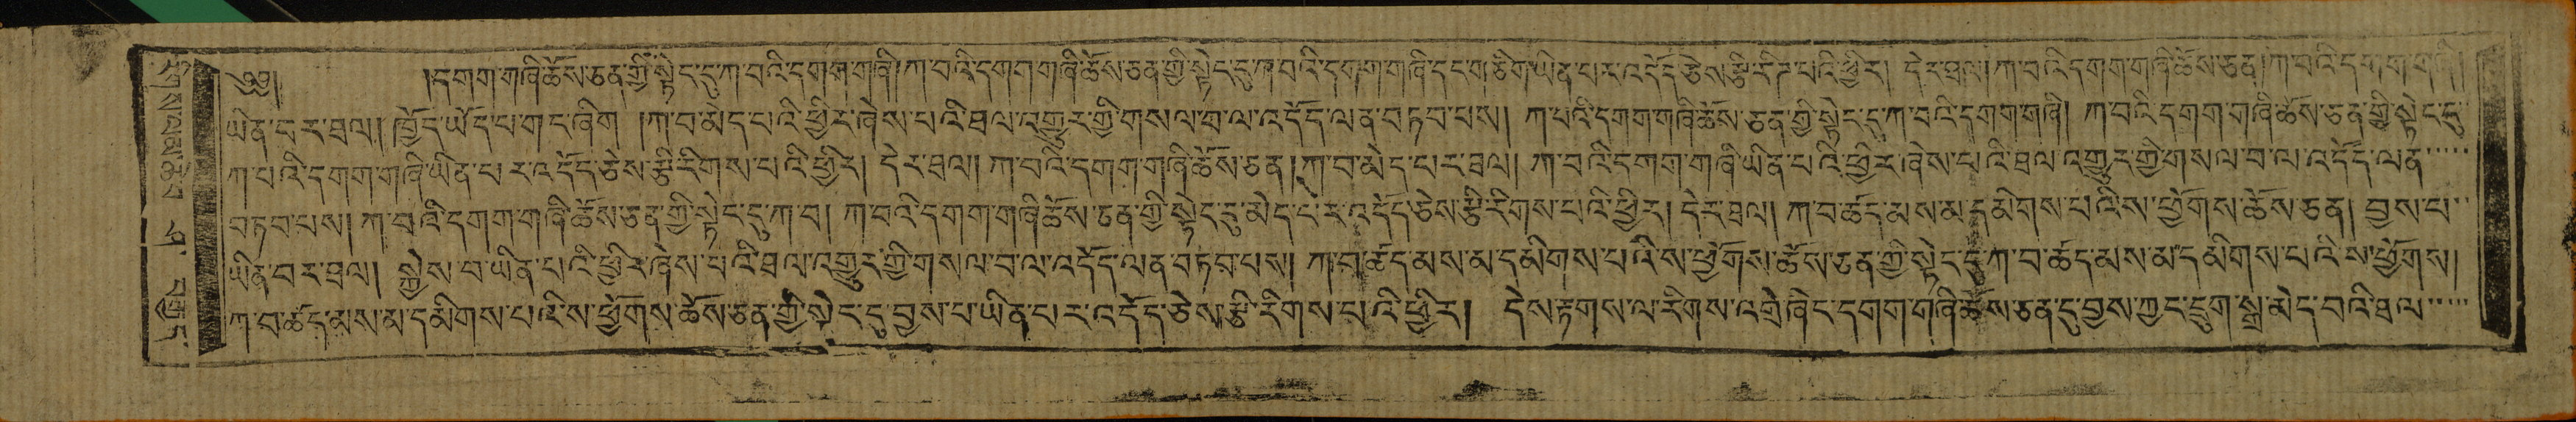༄༅། །དགག་གཞི་ཆོས་ཅན་གྱི་སྟེང་དུ་ཀ་བའི་དགག་གཞི། ཀ་བའི་དགག་གཞི་ཆོས་ཅན་གྱི་སྟེང་དུ་ཀ་བའི་དགག་གཞི་དང་གཅིག་ཡིན་པར་འདོད་ཅེས་རྩི་རིགས་པའི་ཕྱིར། དེར་ཐལ། ཀ་བའི་དགག་གཞི་ཆོས་ཅན། ཀ་བའི་དགག་གཞི།
ཡིན་པར་ཐལ། ཁྱོད་ཡོད་པ་གང་ཞིག །ཀ་བ་མེད་པའི་ཕྱིར་ཞེས་པའི་ཐལ་འགྱུར་གྱི་གསལ་བ་ལ་འདོད་ལན་བཏབ་པས། ཀ་བའི་དགག་གཞི་ཆོས་ཅན་གྱི་སྟེང་དུ་ཀ་བའི་དགག་གཞི། ཀ་བའི་དགག་གཞི་ཆོས་ཅན་གྱི་སྟེང་དུ་
ཀ་བའི་དགག་གཞི་ཡིན་པར་འདོད་ཅེས་རྩི་རིགས་པའི་ཕྱིར། དེར་ཐལ། ཀ་བའི་དགག་གཞི་ཆོས་ཅན། ཀ་བ་མེད་པར་ཐལ། ཀ་བའི་དགག་གཞི་ཡིན་པའི་ཕྱིར་ཞེས་པའི་ཐལ་འགྱུར་གྱི་གསལ་བ་ལ་འདོད་ལན་
བཏབ་པས། ཀ་བའི་དགག་གཞི་ཆོས་ཅན་གྱི་སྟེང་དུ་ཀ་བ། ཀ་བའི་དགག་གཞི་ཆོས་ཅན་གྱི་སྟེང་དུ་མེད་པར་འདོད་ཅེས་རྩི་རིགས་པའི་ཕྱིར། དེར་ཐལ། ཀ་བ་ཚད་མས་མ་དམིགས་པའི་ས་ཕྱོགས་ཆོས་ཅན། བྱས་པ་
ཡིན་པར་ཐལ། སྐྱེས་པ་ཡིན་པའི་ཕྱིར་ཞེས་པའི་ཐལ་འགྱུར་གྱི་གསལ་བ་ལ་འདོད་ལན་བཏབ་པས། ཀ་བ་ཚད་མས་མ་དམིགས་པའི་ས་ཕྱོགས་ཆོས་ཅན་གྱི་སྟེང་དུ་ཀ་བ་ཚད་མས་མ་དམིགས་པའི་ས་ཕྱོགས།
ཀ་བ་ཚད་མས་མ་དམིགས་པའི་ས་ཕྱོགས་ཆོས་ཅན་གྱི་སྟེང་དུ་བྱས་པ་ཡིན་པར་འདོད་ཅེས་རྩི་རིགས་པའི་ཕྱིར། དེས་རྟགས་ལ་རིགས་འགྲེ་ཞིང་དགག་གཞི་ཆོས་ཅན་དུ་བྱས་ཀྱང་དྲུག་སྒྲ་མེད་བའི་ཐལ་